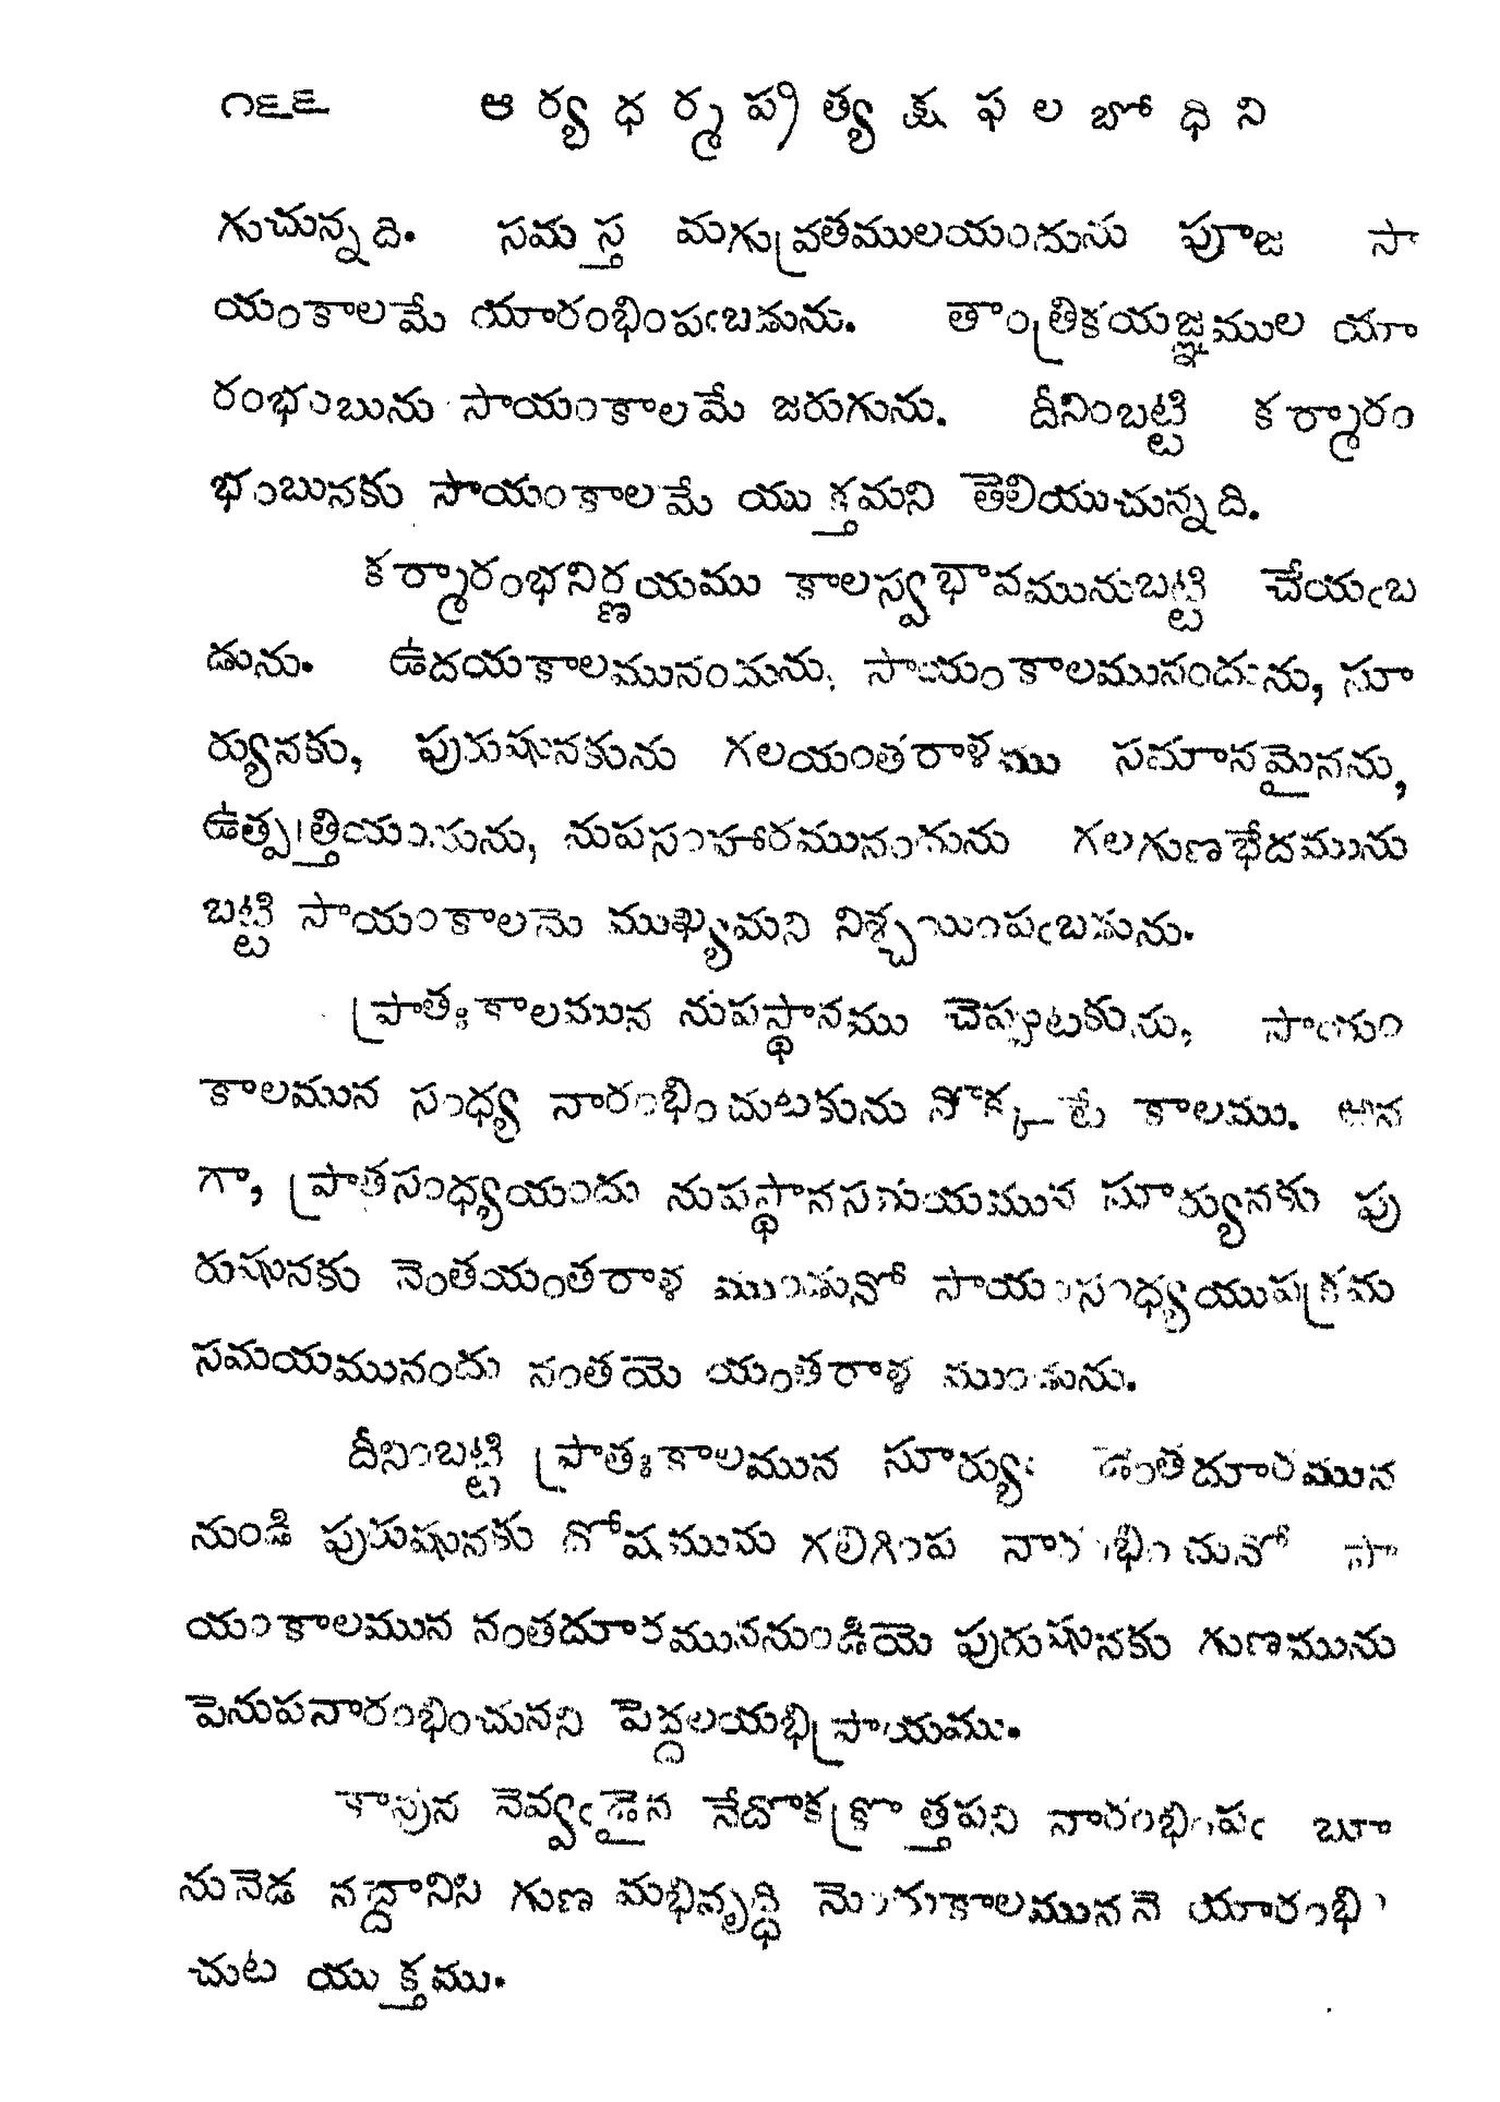గుచున్నది. సమస్త మగువ్రతములయందును పూజ సాయంకాలమే యారంభింపఁబడును.
తాంత్రికయజ్ఞముల యారంభంబును సాయంకాలమే జరుగును. దీనింబట్టి కర్మారంభంబునకు సాయంకాలమే యుక్తమని తెలియుచున్నది.

కర్మారంభనిర్ణయము కాలస్వభావమునుబట్టి చేయఁబడును. ఉదయకాలమునందును సాయంకాలమునందును, సూర్యునకు, పురుషునకును గలయంతరాళము సమానమైనను, ఉత్పత్తియమును, నుపసంహారమునందును గలగుణభేదమును బట్టి సాయంకాలమె ముఖ్యమని నిశ్చయింపఁబడును.

ప్రాతఃకాలమున నుపస్థానము చెప్పుటకును, సాయంకాలమున సంధ్య నారంభించుటకును నొక్కటే కాలము. అనగా, ప్రాతసంధ్యయందు నుపస్థానసమయమున సూర్యునకు పురుషునకు నెంతయంతరాళ ముండునో సాయంసంధ్యయుపక్రమ సమయమునందు నంతయె యంతరాళ ముండును.

దీనింబట్టి ప్రాతఃకాలమున సూర్యు: డెంతదూరమున నుండి పురుషునకు దోషమును గలిగింప నారంభించునో సాయంకాలమున నంతదూరముననుండియె పురుషునకు గుణమును పెనుపనారంభించునని పెద్దలయభిప్రాయము.

కావున నెవ్వఁడైన నేదొకక్రొత్తపని నారంభింపఁ బూనునెడ నద్దానిని గుణ మభివృద్ధి నొందుకాలముననె యారంభించుట యుక్తము.